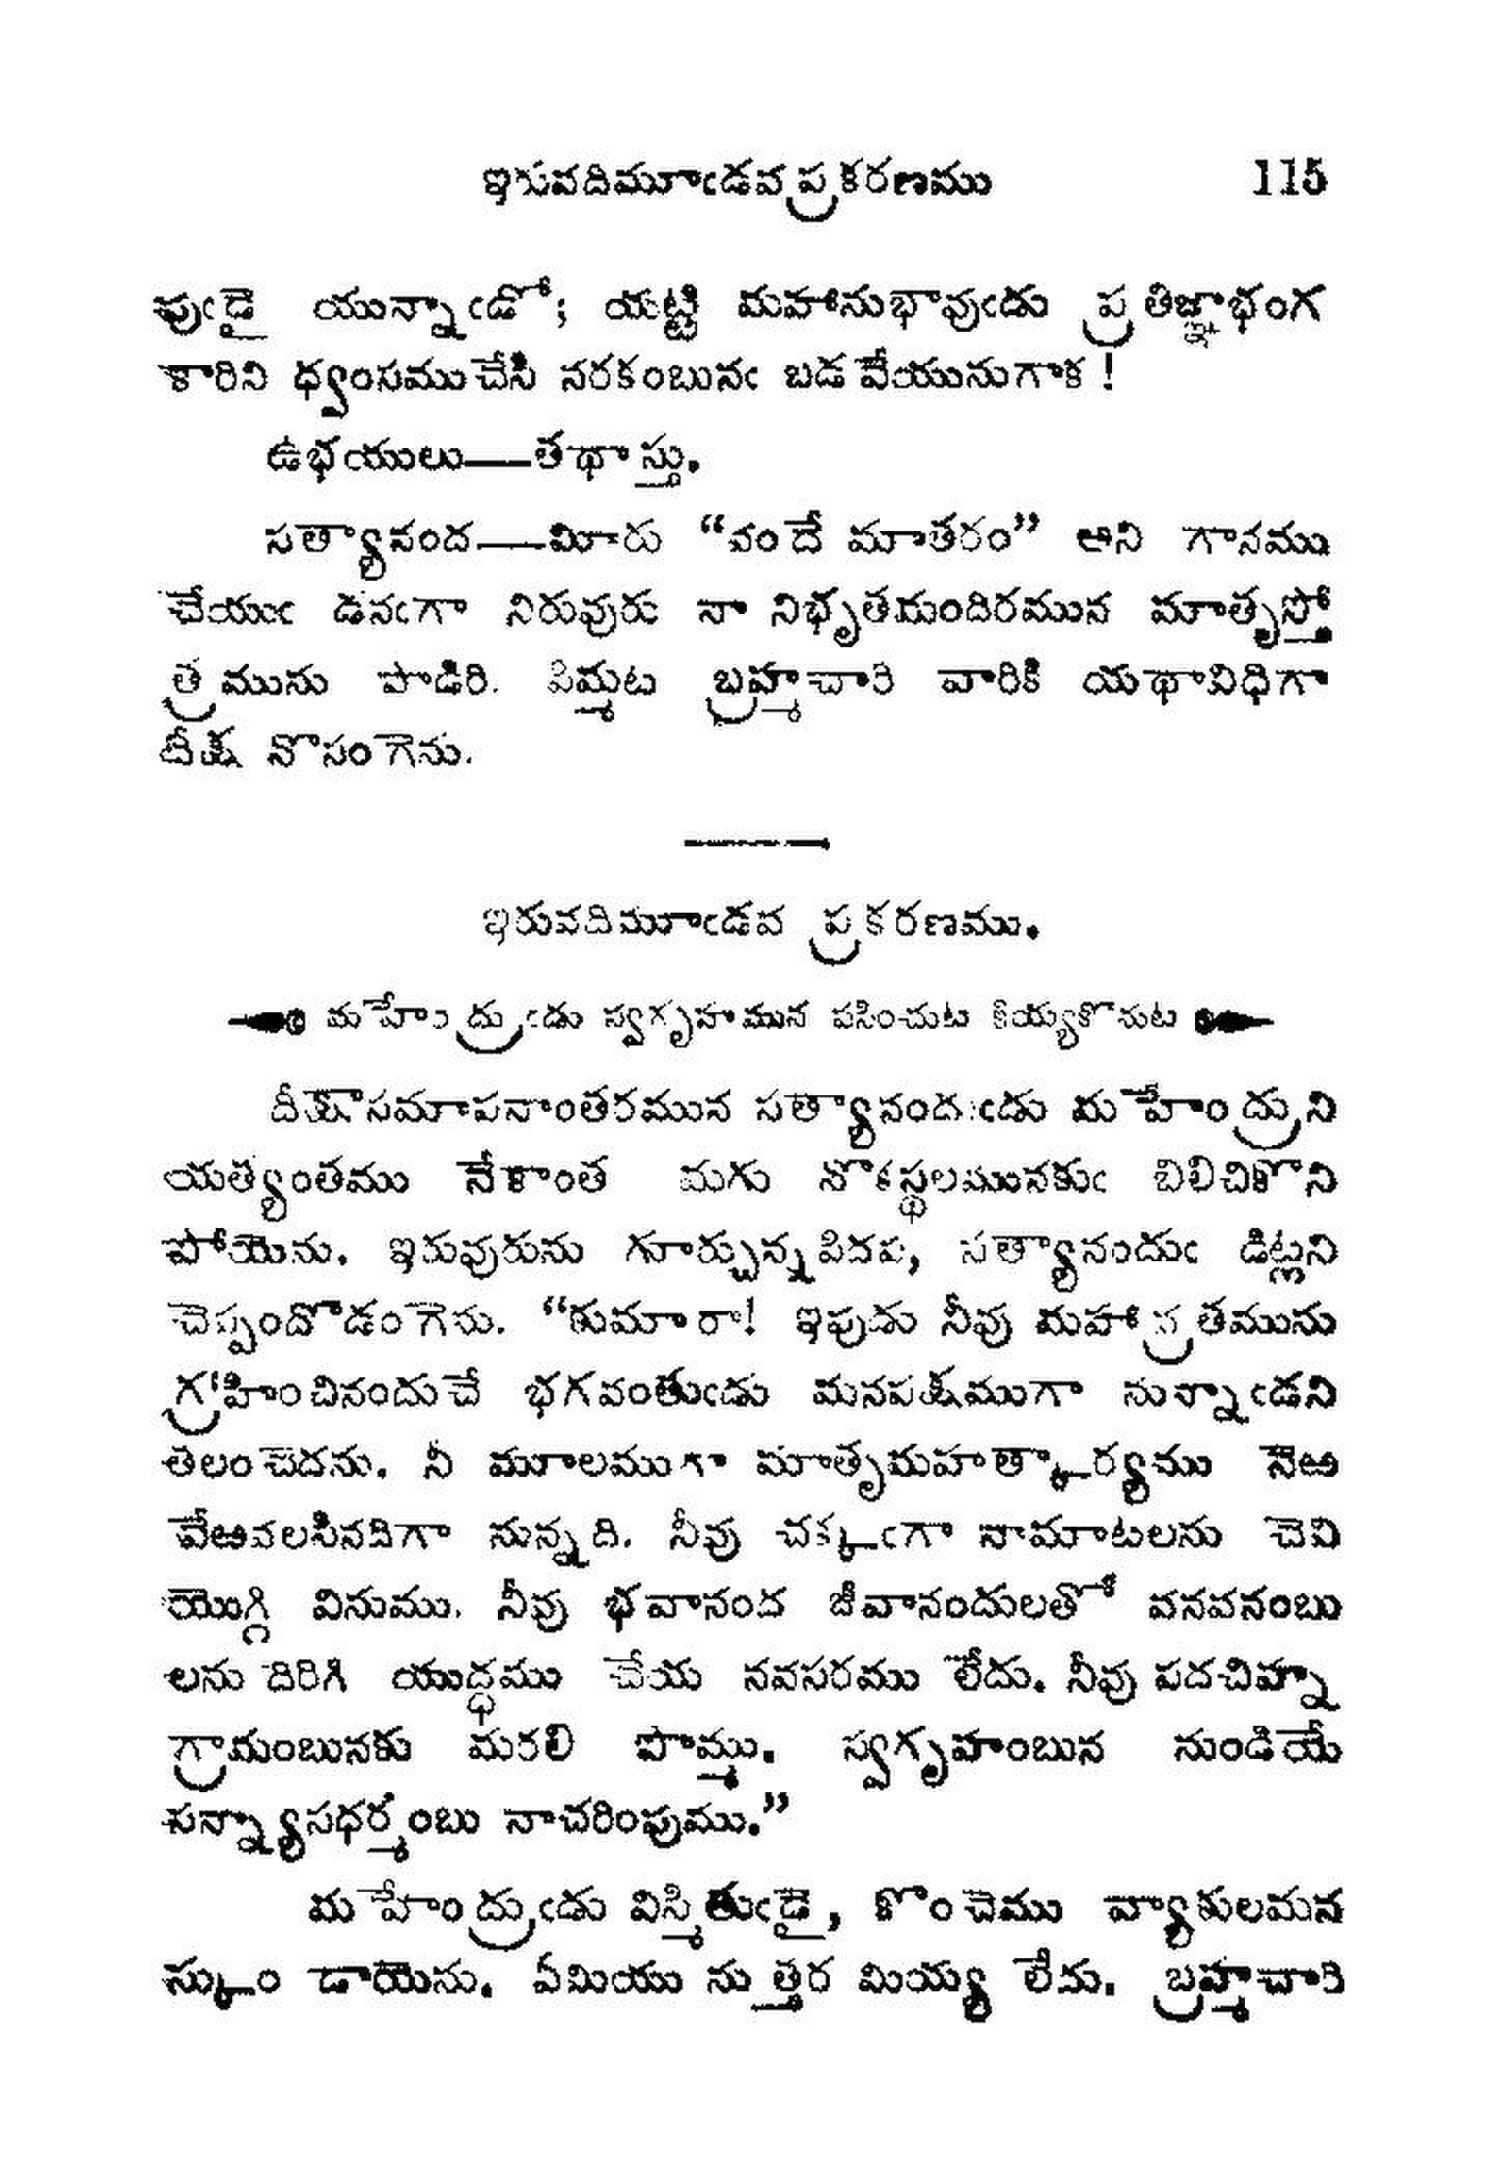పుఁడై యున్నాఁడో; యట్టి మహానుభావుఁడు ప్రతిజ్ఞా భంగకారిని ధ్వంసము చేసి నరకంబునఁ బడ వేయునుగాక !

ఉభయులు—— తథాస్తు,

సత్యానంద——మీరు "వందే మాతరం” అని గానము చేయుఁ డనఁగా నిరువురు నా నిభృతమందిరమున మాతృస్తోత్రమును పాడిరి. పిమ్మట బ్రహ్మచారి వారికి యథావిధిగా దీక్ష నొసంగెను.

ఇరువది మూఁడవ ప్రకరణము.

మహేంద్రుఁడు స్వగృహమున వసించుట కియ్యకొనుట

దీక్షాసమాపనాంతరమున సత్యానందుఁడు మహేంద్రుని యత్యంతము నేకాంతమగు నొక స్థలమునకుఁ బిలిచికోని పోయెను. ఇరువురును గూర్చున్న పిదప, సత్యానందుఁ డిట్లని చెప్పందొడంగెను. "కుమారా! ఇపుడు నీవు మహా వ్రతమును
గ్రహించినందుచే భగవంతుఁడు మనపక్షముగా నున్నాఁడని తలంచెదను. నీ మూలముగా మాతృమహత్కార్యము నెఱ
వేఱవలసినదిగా నున్నది. నీవు చక్కఁగా నామాటలను చెవి యొగ్గి వినుము. నీవు భవానంద జీవానందులతో వనవనంబు
లను దిరిగి యుద్ధము చేయ నవసరము లేదు. నీవు పదచిహ్న గ్రామంబునకు మరలి పొమ్ము. స్వగృహంబున నుండియే
సన్న్యాసధర్మంబు నాచరింపుము."

మహేంద్రుఁడు విస్మితుఁడై , కొంచెము వ్యాకులమనస్కుం డాయెను. ఏమియు నుత్తర మియ్య లేదు. బ్రహ్మచారి